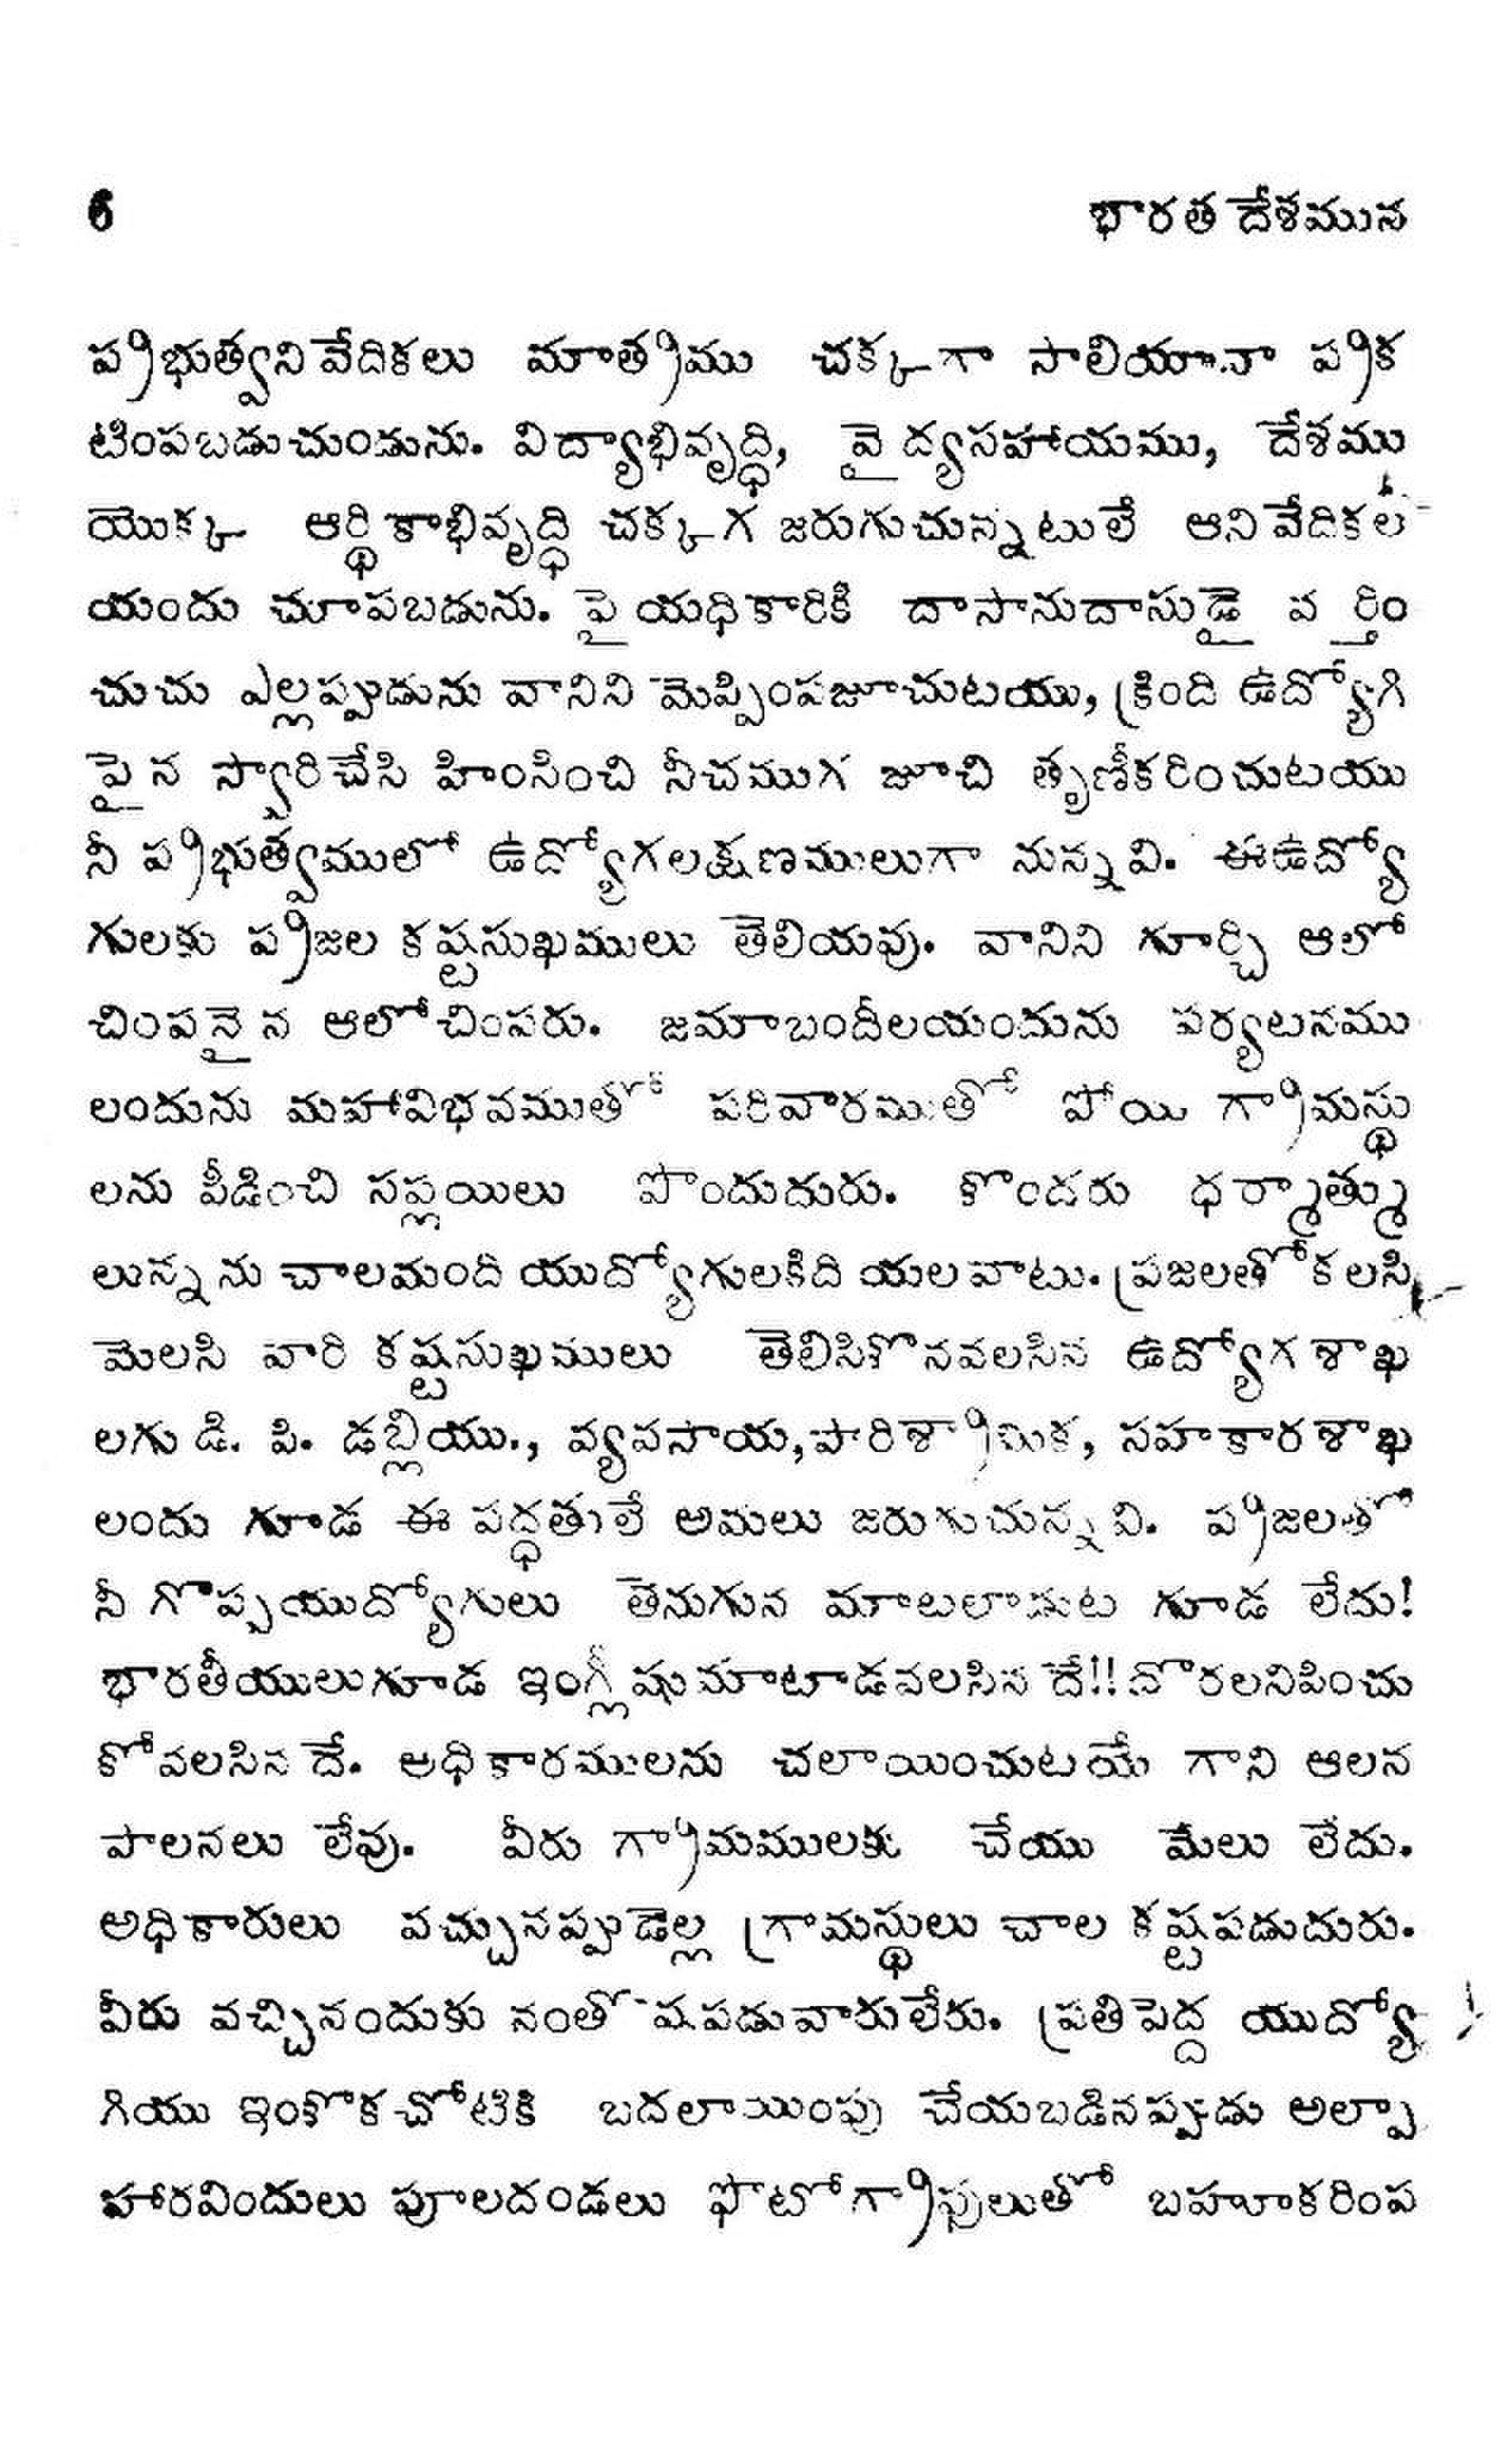ప్రభుత్వనివేదికలు మాత్రము చక్కగా సాలియానా ప్రకటింపబడుచుండును. విద్యాభివృద్ధి, వైద్యసహాయము, దేశముయొక్క ఆర్ధికాభివృద్ధి చక్కగ జరుగుచున్నటులే ఆనివేదికలయందు చూపబడును. పై యధికారికి దాసానుదాసుడై వర్తించుచు ఎల్లప్పుడును వానిని మెప్పింపజూచుటయు, క్రింది ఉద్యోగిపైన స్వారిచేసి హింసించి నీచముగ జూచి తృణీకరించుటయు నీ ప్రభుత్వములో ఉద్యోగలక్షణములుగా నున్నవి. ఈఉద్యోగులకు ప్రజల కష్టసుఖములు తెలియవు. వానిని గూర్చి ఆలోచింపనైన ఆలోచింపరు. జమాబందీలయందును పర్యటనములందును మహావిభవముతో పరివారముతో పోయి గ్రామస్థులను పీడించి సప్లయిలు పొందుదురు. కొందరు ధర్మాత్ములున్నను చాలమంది యుద్యోగులకిది యలవాటు. ప్రజలతోకలసిమెలసి వారి కష్టసుఖములు తెలిసికొనవలసిన ఉద్యోగశాఖలగు డి. పి. డబ్లియు., వ్యవసాయ, పారిశ్రామిక, సహకారశాఖలందు గూడ ఈ పద్దతులే అమలు జరుగుచున్నవి. ప్రజలతో నీ గొప్పయుద్యోగులు తెనుగున మాటలాడుట గూడ లేదు! భారతీయులుగూడ ఇంగ్లీషు మాటాడవలసినదే!! దొరలనిపించు కోవలసినదే. అధికారములను చలాయించుటయే గాని ఆలన పాలనలు లేవు. వీరు గ్రామములకు చేయు మేలు లేదు. అధికారులు వచ్చునప్పుడెల్ల గ్రామస్థులు చాల కష్టపడుదురు. వీరు వచ్చినందుకు సంతోషపడువారు లేరు. ప్రతిపెద్ద యుద్యోగియు ఇంకొకచోటికి బదలాయింపు చేయబడినప్పుడు అల్పాహారవిందులు పూలదండలు ఫొటోగ్రాపులుతో బహూకరింప